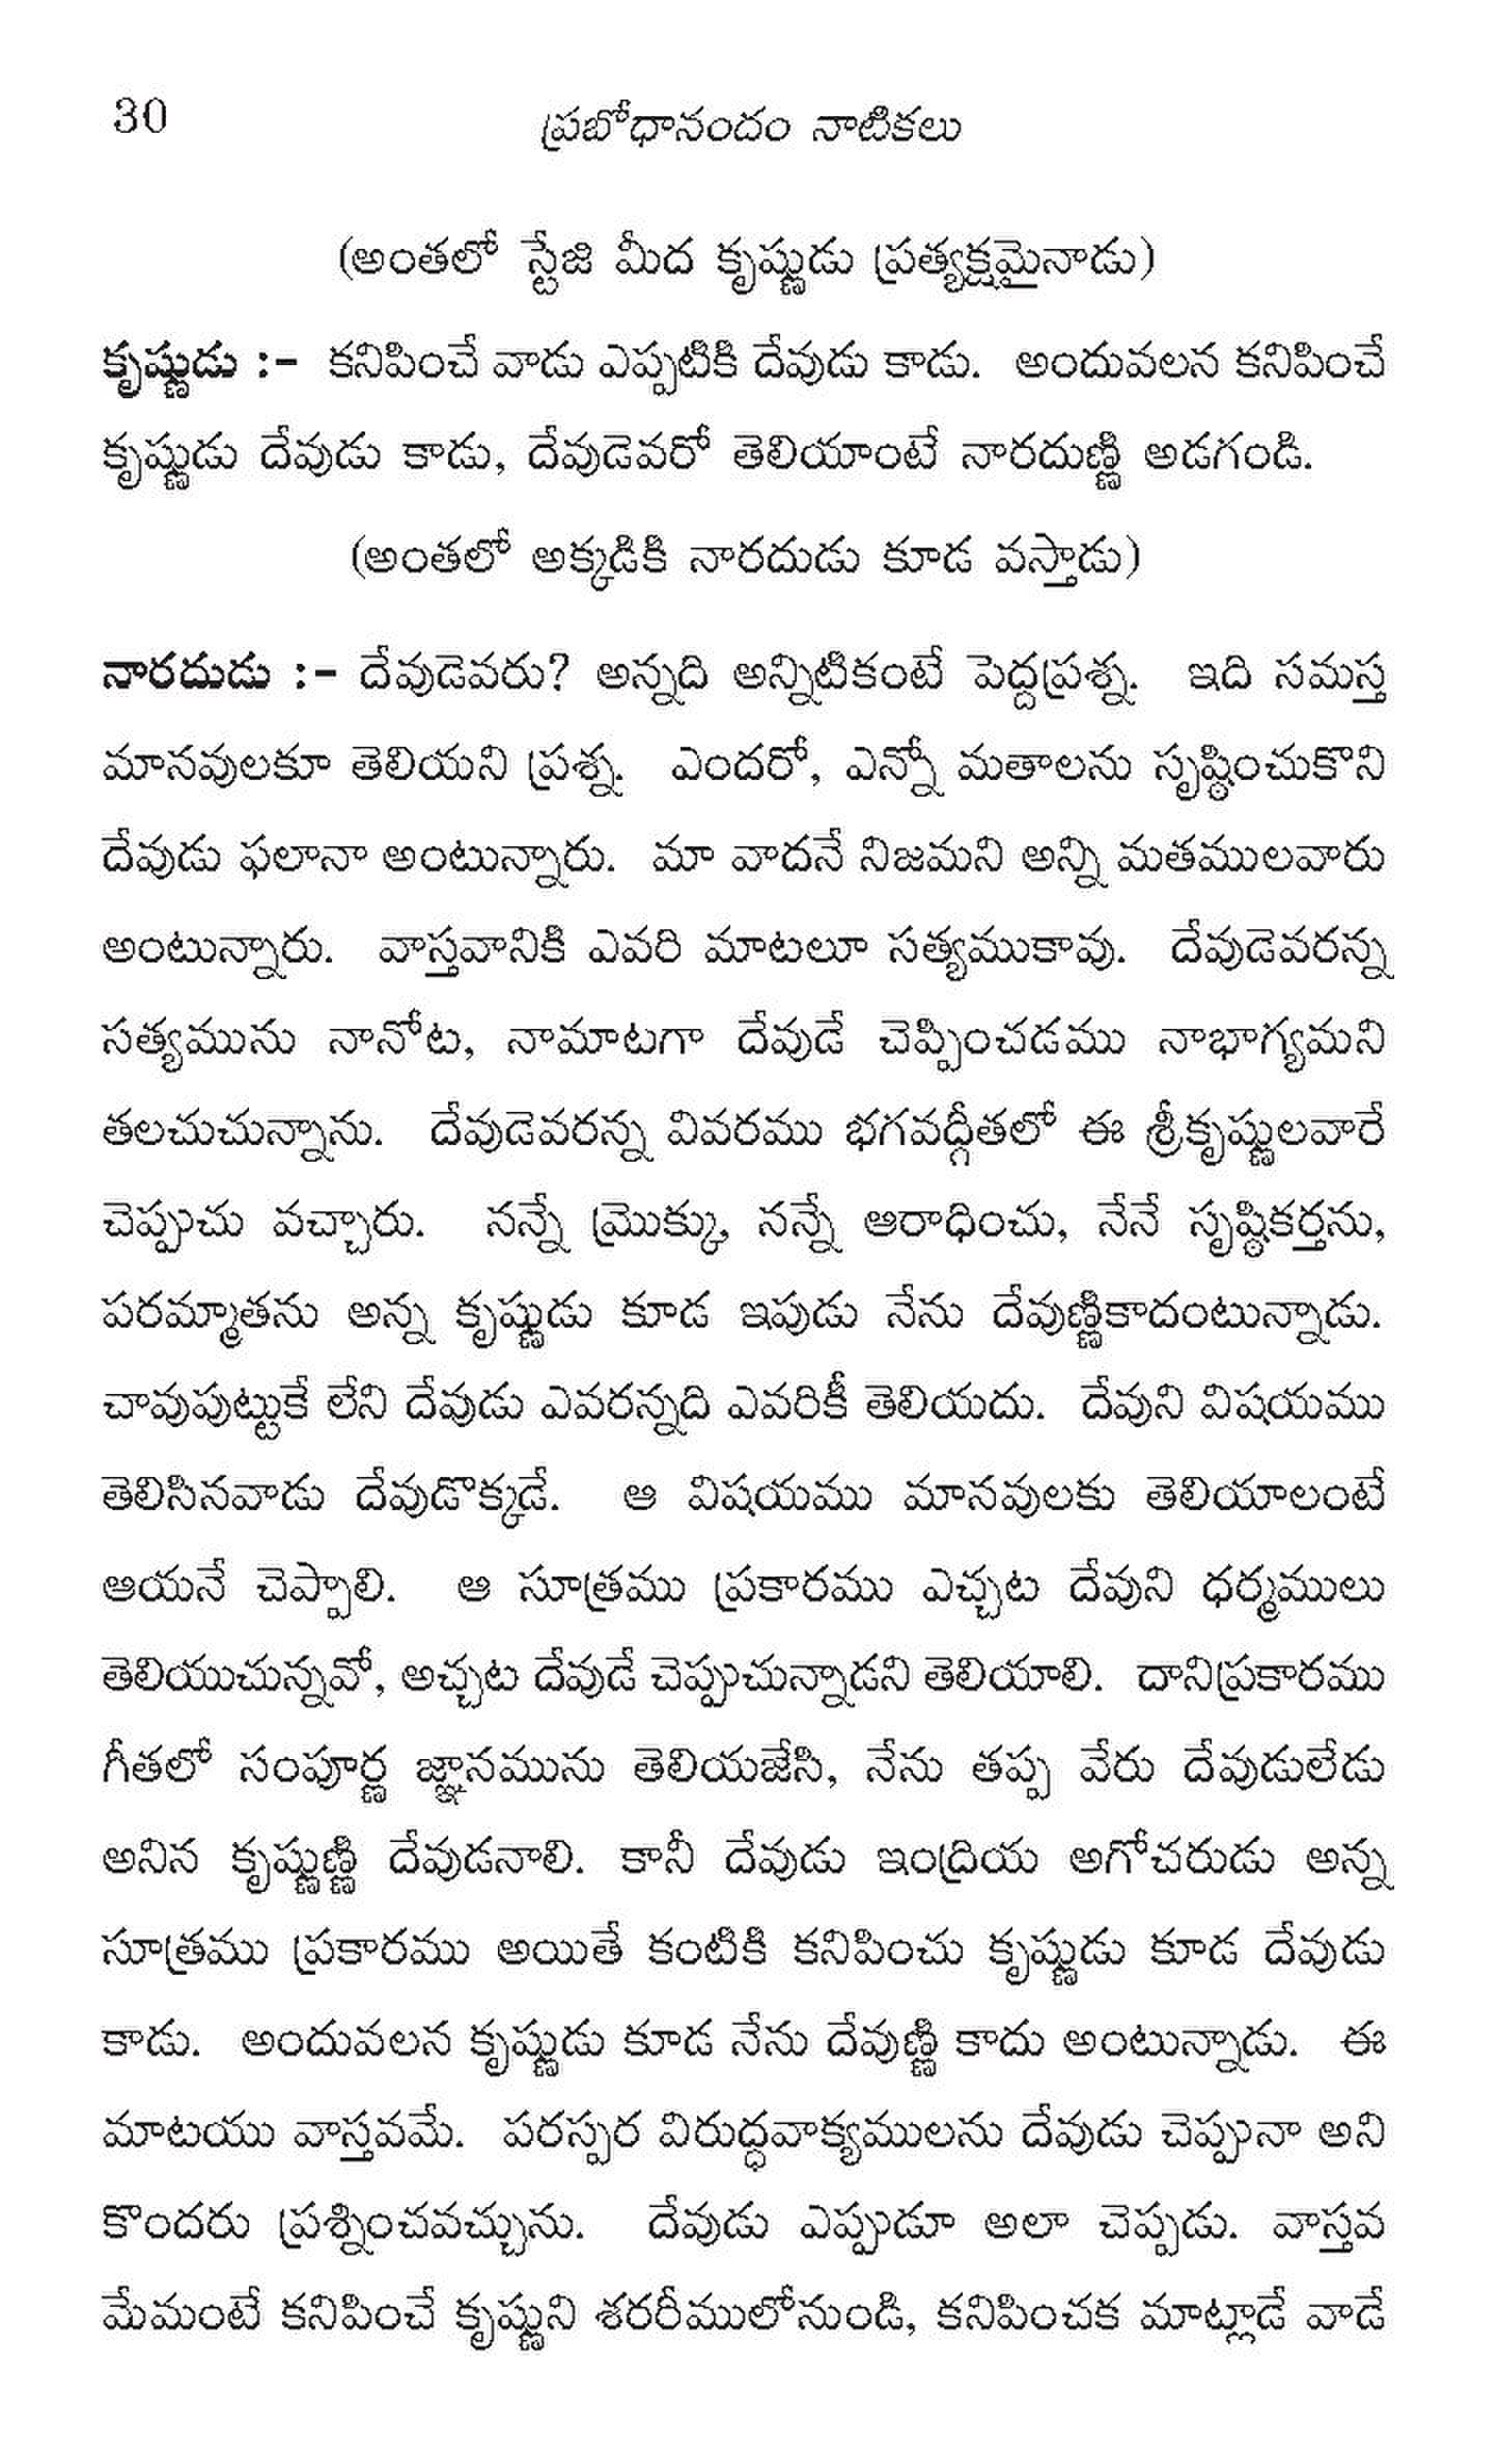కృష్ణుడు :- కనిపించే వాడు ఎప్పటికి దేవుడు కాడు. అందువలన కనిపించే కృష్ణుడు దేవుడు కాడు, దేవుడెవరో తెలియాంటే నారదుణ్ణి అడగండి.

నారదుడు :- దేవుడెవరు? అన్నది అన్నిటికంటే పెద్దప్రశ్న. ఇది సమస్త మానవులకూ తెలియని ప్రశ్న. ఎందరో, ఎన్నో మతాలను సృష్ఠించుకొని దేవుడు ఫలానా అంటున్నారు. మా వాదనే నిజమని అన్ని మతములవారు అంటున్నారు. వాస్తవానికి ఎవరి మాటలూ సత్యముకావు. దేవుడెవరన్న సత్యమును నానోట, నామాటగా దేవుడే చెప్పించడము నాభాగ్యమని తలచుచున్నాను. దేవుడెవరన్న వివరము భగవద్గీతలో ఈ శ్రీకృష్ణులవారే చెప్పుచు వచ్చారు. నన్నే మ్రొక్కు, నన్నే ఆరాధించు, నేనే సృష్ఠికర్తను, పరమ్మాతను అన్న కృష్ణుడు కూడ ఇపుడు నేను దేవుణ్ణికాదంటున్నాడు. చావుపుట్టుకే లేని దేవుడు ఎవరన్నది ఎవరికీ తెలియదు. దేవుని విషయము తెలిసినవాడు దేవుడొక్కడే. ఆ విషయము మానవులకు తెలియాలంటే ఆయనే చెప్పాలి. ఆ సూత్రము ప్రకారము ఎచ్చట దేవుని ధర్మములు తెలియుచున్నవో, అచ్చట దేవుడే చెప్పుచున్నాడని తెలియాలి. దానిప్రకారము గీతలో సంపూర్ణ జ్ఞానమును తెలియజేసి, నేను తప్ప వేరు దేవుడులేడు అనిన కృష్ణుణ్ణి దేవుడనాలి. కానీ దేవుడు ఇంద్రియ అగోచరుడు అన్న సూత్రము ప్రకారము అయితే కంటికి కనిపించు కృష్ణుడు కూడ దేవుడు కాడు. అందువలన కృష్ణుడు కూడ నేను దేవుణ్ణి కాదు అంటున్నాడు. ఈ మాటయు వాస్తవమే. పరస్పర విరుద్ధవాక్యములను దేవుడు చెప్పునా అని కొందరు ప్రశ్నించవచ్చును. దేవుడు ఎప్పుడూ అలా చెప్పడు. వాస్తవ మేమంటే కనిపించే కృష్ణుని శరరీములోనుండి, కనిపించక మాట్లాడే వాడే